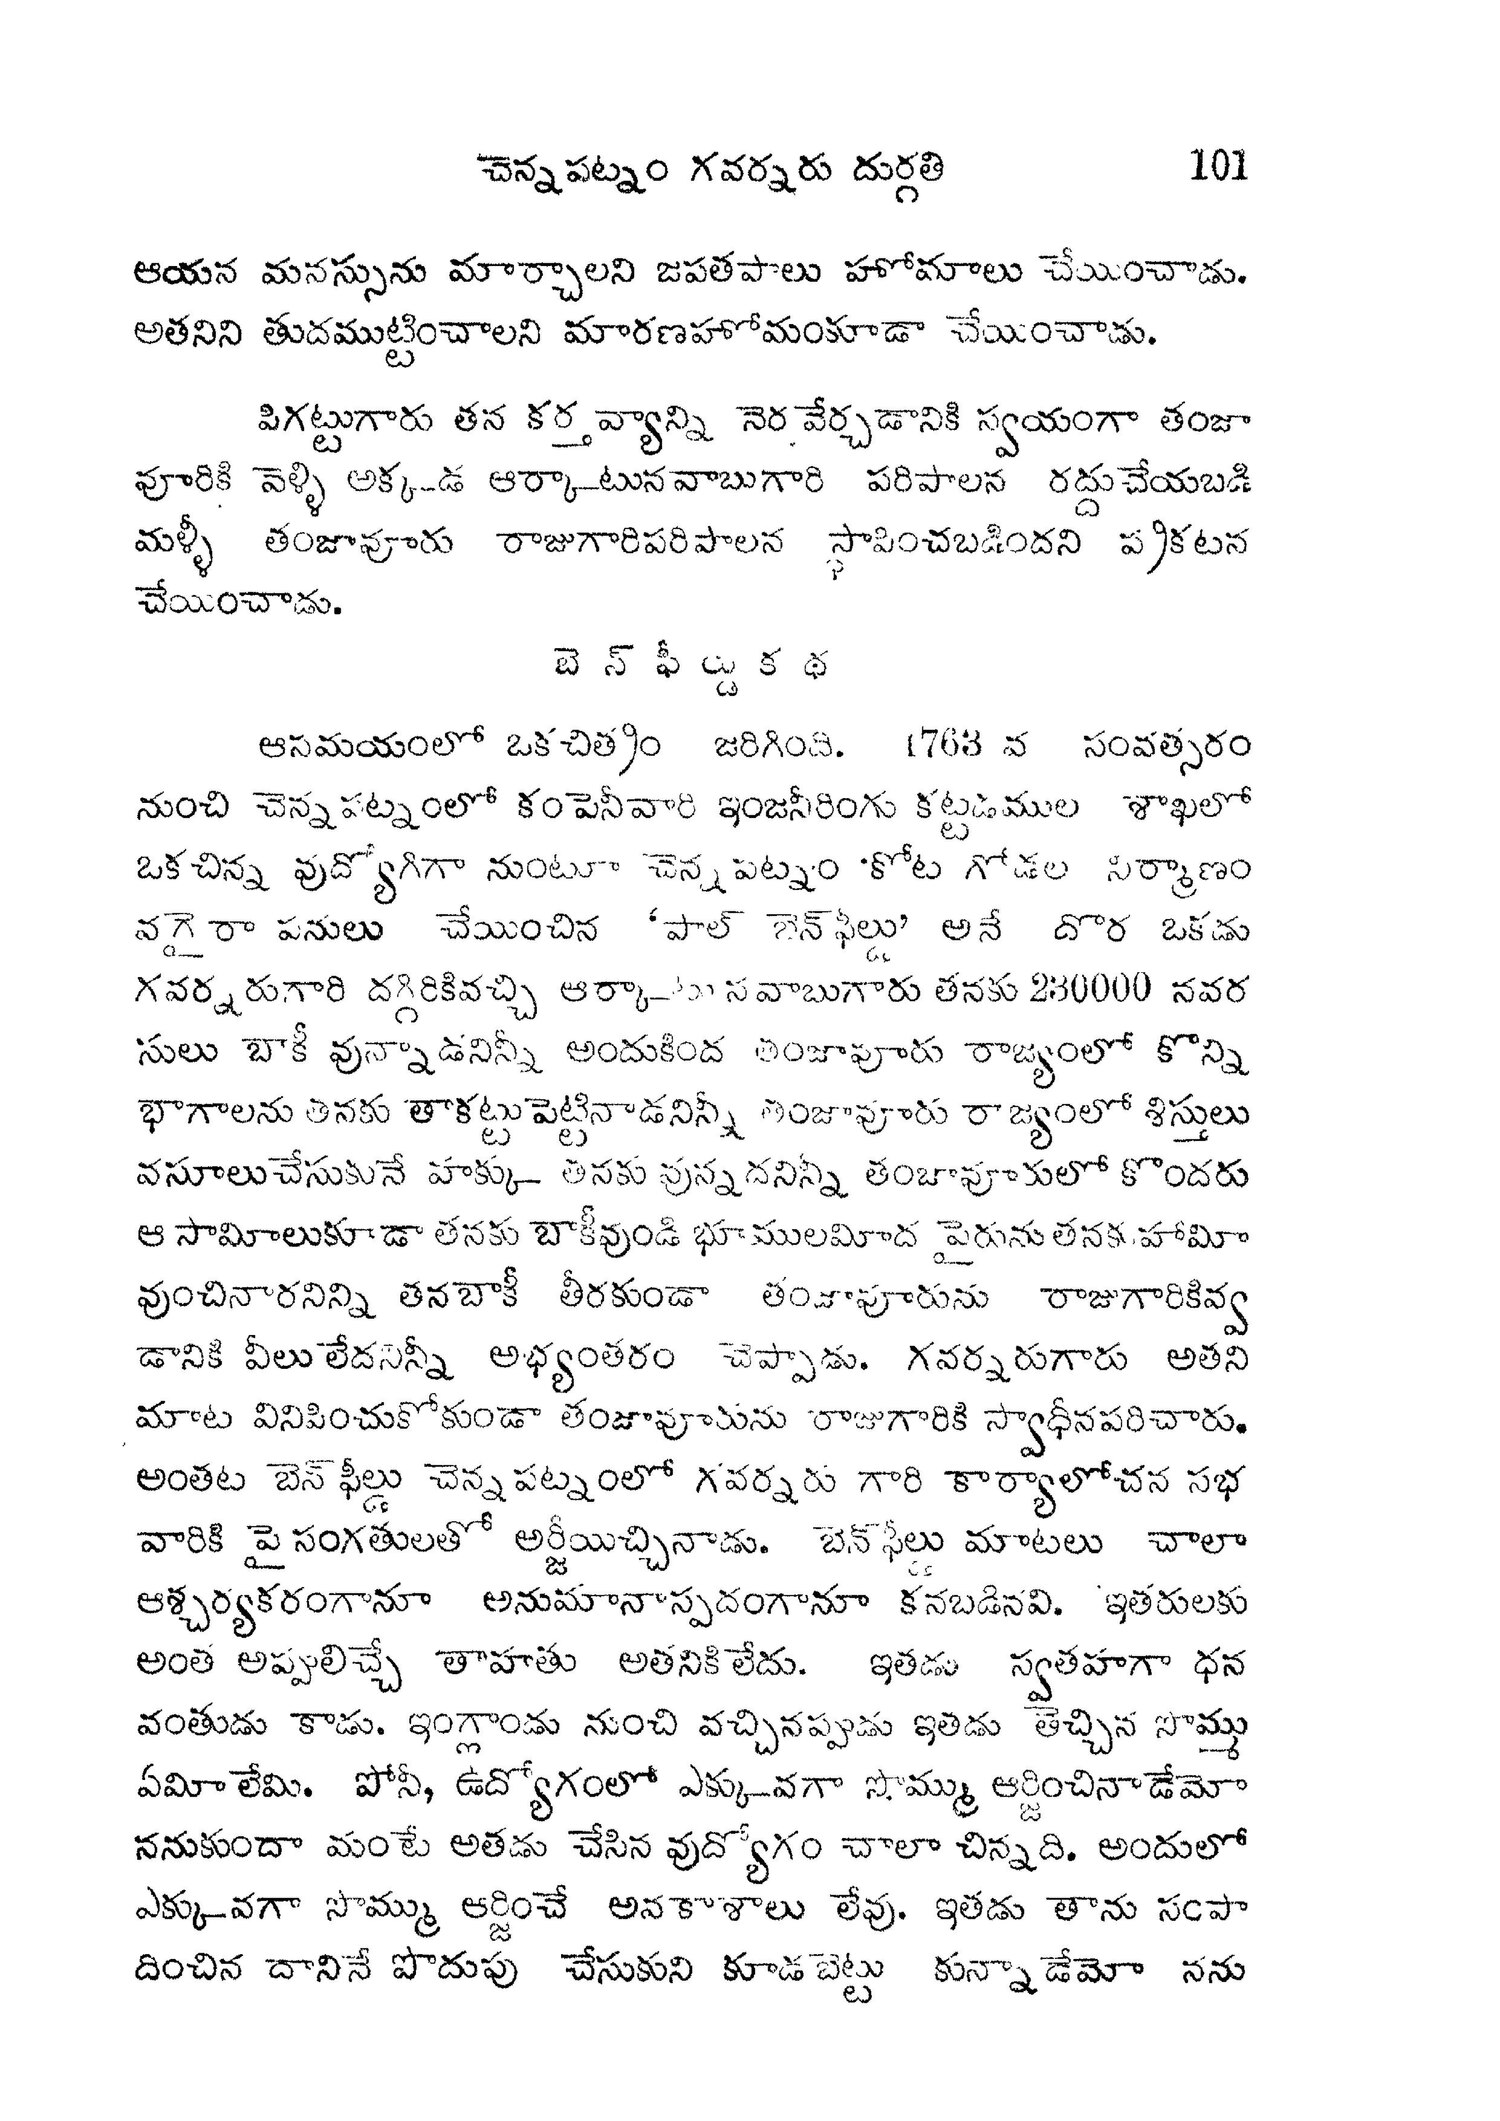ఆయన మనస్సును మార్చాలని జపతపాలు హోమాలు చేయించాడు. అతనిని తుదముట్టించాలని మారణహోమంకూడా చేయించాడు.,

పిగట్టుగారు తన కర్తవ్యాన్ని నెరవేర్చడానికి స్యయంగా తంజావూరు వెళ్ళి అక్కడ ఆర్కాటునవాబుగారి పరిపాలన రద్దుచేయబడి మళ్ళీ తంజావూరు రాజుగారి పరిపాలన స్థాపించబడిందని ప్రకటన చేయించాడు.

ఆసమయంలో ఒక చిత్రం జరిగింది. 1763 వ సంవత్సరం నుంచి చెన్నపట్నంలో కంపెనీవారి ఇంజనీరింగు కట్టడముల శాఖలో ఒక చిన్న వుద్యోగి గా నుంటూ చెన్నపట్నం కోట గోడల నిర్మాణం వగైరా పనులు చేయించిన 'పాల్ బెన్ ఫీల్డు ' అనే దొర ఒకడు గవర్నరుగారి దగ్గరికివచ్చి ఆర్కాటునవాబుగారు తనకు 230000 సవరసూ బాకీ వున్నాడనినీ అందుకింద తంజావూరు రాజ్యంలో కొన్ని భాగాలను తనకు తాకట్టు పెట్టినాడనిన్నీతంజావూరు రాజ్యంలో శిస్తులు వసూలుచేసుకునే హక్కు తనకు వున్నదనిన్నీ తంజావూరులో కొందరు ఆసాములుకూడా తనకు బాకీవుండి భూములమీద పైరునుతనకు హామీ వుంచి నారనిన్నీ అభ్యంతరం చెప్పాడు. గవర్నరుగారు అతని మాటి వినిపించు కోకుండా తంజావూరును రాజుగారికి స్వాధీనపరిచారు. అంతట బెన్ ఫీల్టు చెన్నపట్నంలో గవర్నరు గారి కార్యాలోచన సభవారికి పైసంగతులతో అర్జీయిచ్చినాడు. బెన్ ఫీల్డు మాటలు చాలా ఆశ్చర్యంగానూ అనుమనాస్పదంగానూ కనబడినవి. ఇతరులకు అంత అప్పులిచ్చే తాహతు అతనికిలేదు. ఇతడు స్వతహాగా ధనవంతుడు కాడు. ఇంగ్లాండు నుంచి వచ్చినప్పుడు ఇతను తెచ్చిన సొమ్ము ఏమీలేదు. పోనీ, ఉద్యోగంలో ఎక్కువగా సొమ్ము ఆర్జించినాడేమోననుకుందా మంటే అతడు చేసిన వుద్యోగం చాలా చిన్నది. అందులో ఎక్కువగా సొమ్ము ఆర్జించే అవకాశాలు లేవు. ఇతడు తాను సంపాదించిన దానినే పొదుపు చేసుకుని కూడబెట్టు కున్నాడేమో నను